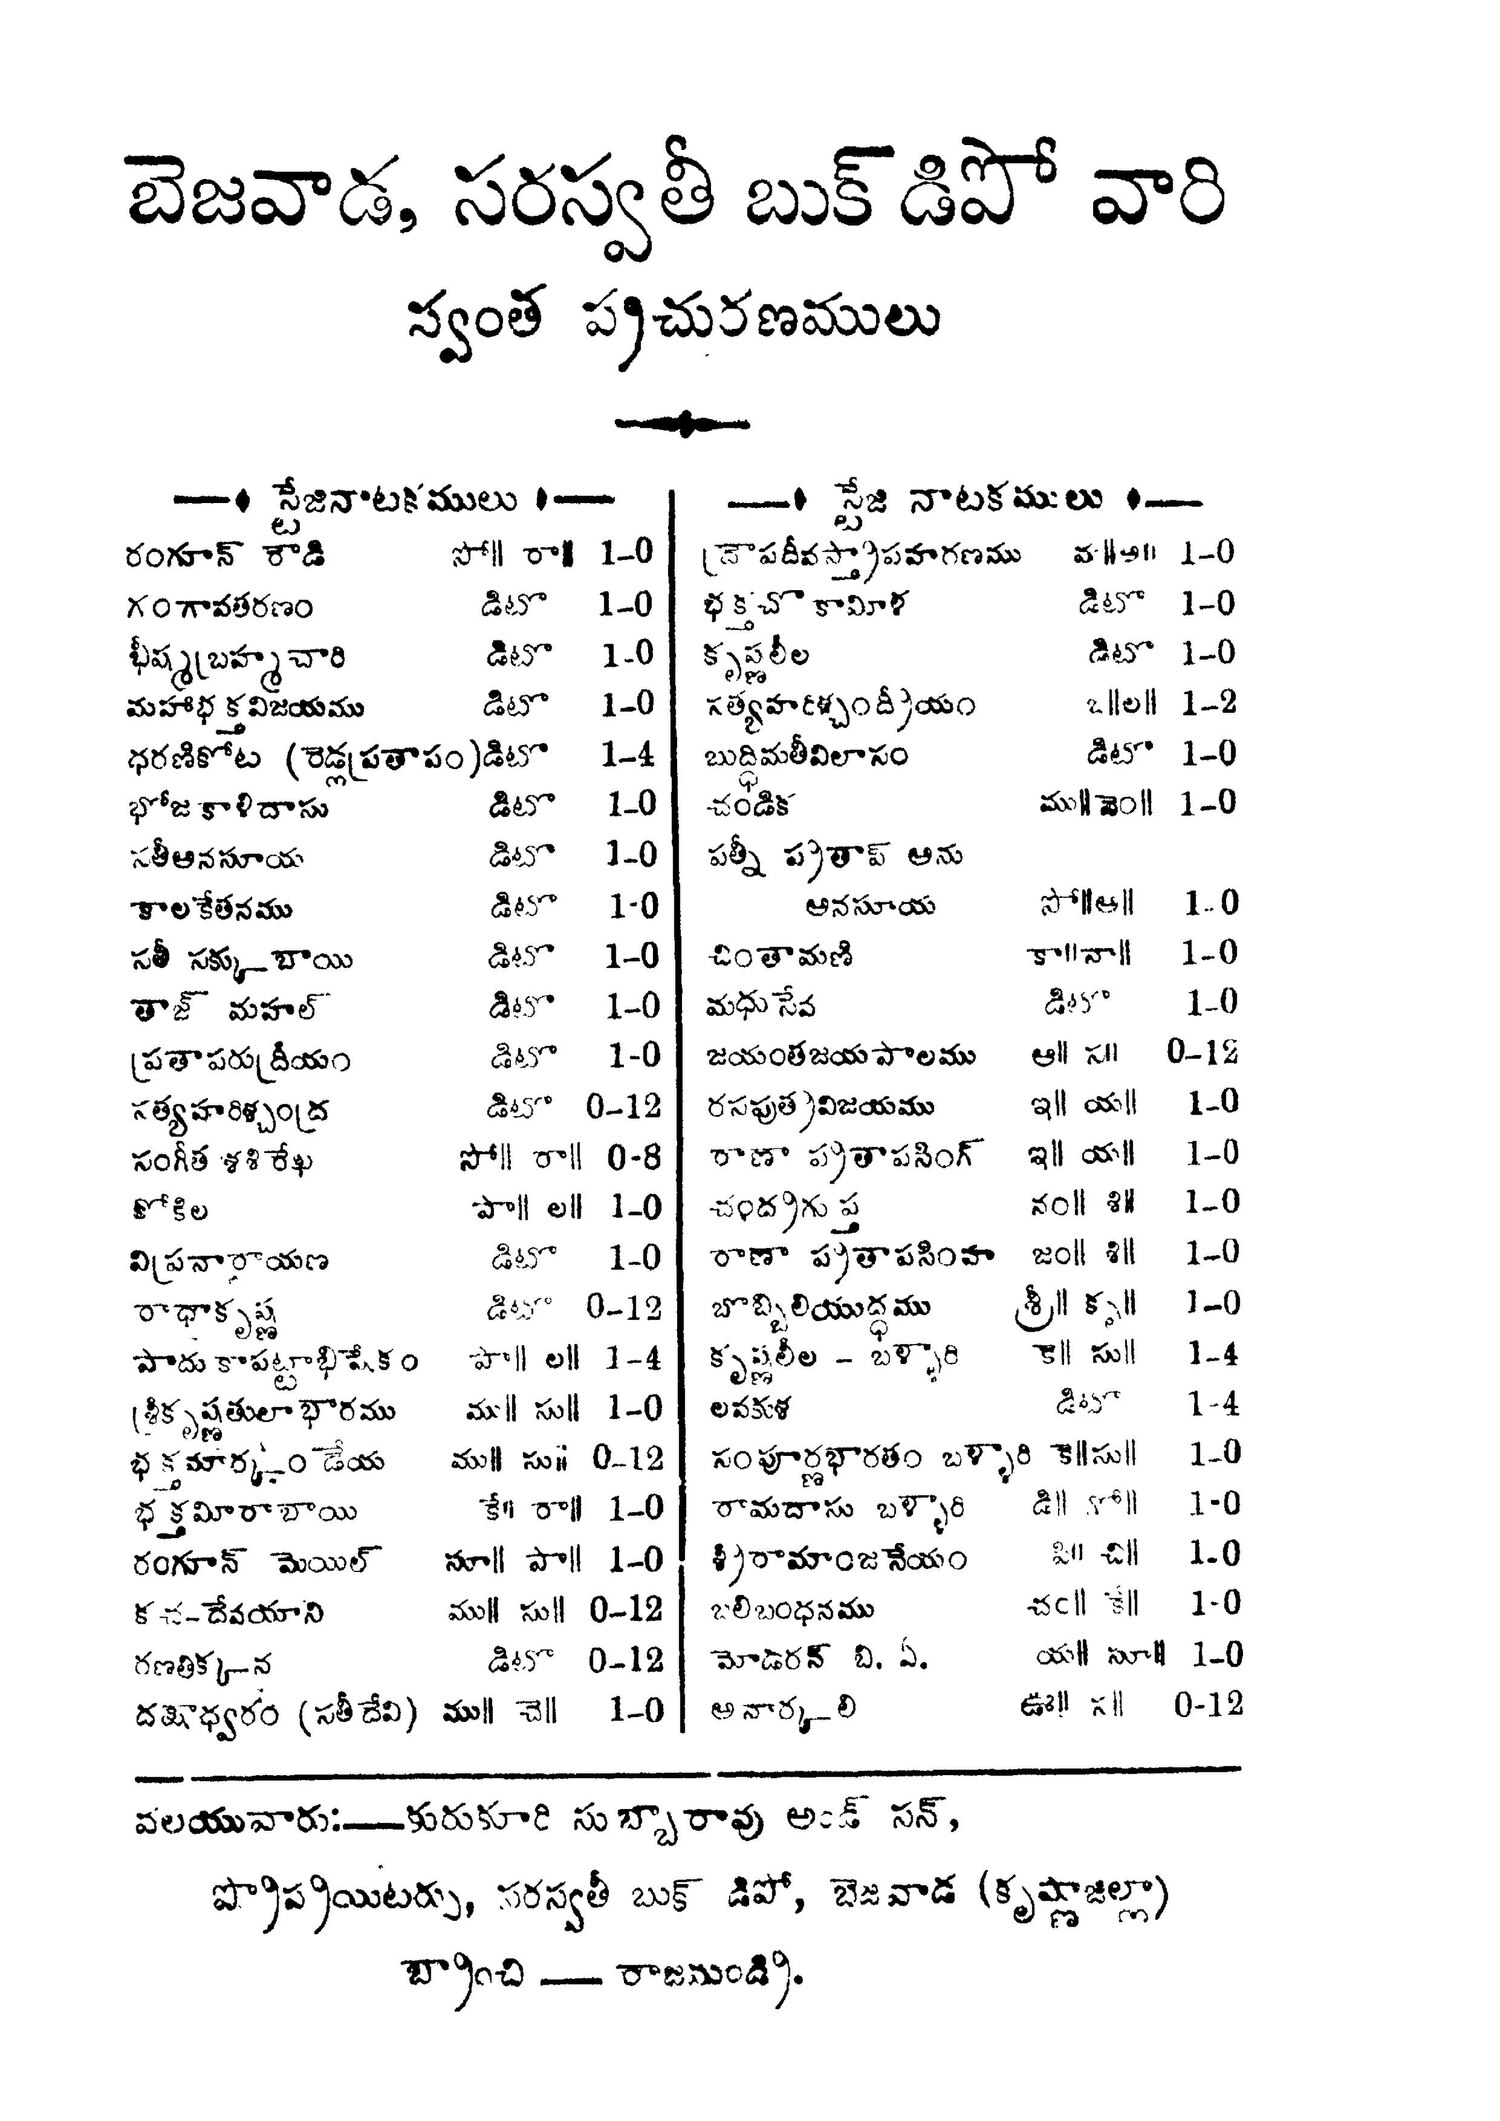బెజవాడ, సరస్వతీ బుక్ డిపో వారి

స్వంత ప్రచురణలు

స్టేజి నాటకములు

రంగూన్ రౌడి

గంగావతరణం

భీష్మ బ్రహ్మచారి

మహాభక్తవిజయము

ధరణికోట (రెడ్ల ప్రతాపం)

భోజ కాళిదాసు

సతీ అనసూయ

కాలకేతనము

సతీ సక్కుబాయి

తాజ్ మహల్

ప్రతాపరుద్రీయం

సత్య హరిశ్చంద్ర

సంగీత శశిరేఖ

కోకిల

విప్రనారాయణ

రాధాకృష్ణ

పాదుకా పట్టాభిషేకం

శ్రీకృష్ణ తులాభారము

భక్త మార్కండేయ

భక్త మీరాబాయి

రంగూన్ మెయిల్

కచ-దేవయాని

రణ తిక్కన

దక్షాధ్వరం (సతీదేవి)

ద్రౌపదీ వస్త్రాపహరణము

భక్త చొకామీళ

కృష్ణలీల

సత్యహరిశ్చంద్రీయం

బుద్ధిమతీ విలాసం

చండిక

పత్నీ ప్రతాప్ అను అనసూయ

చింతామణి

మధుసేవ

జయంత జయపాలము

రసపుత్ర విజయము

రాణా ప్రతాపసింగ్

చంద్రగుప్త

రాణా ప్రతాపసింహ

బొబ్బిలి యుద్ధము

కృష్ణలీల - బళ్ళారి

లవకుశ

సంపూర్ణ భారతం - బళ్ళారి

రామదాసు - బళ్ళారి

శ్రీరామాంజనేయం

బలిబంధనము

మోడరన్ బి. ఏ.

అనార్కలి.

వలయువారు - కురుకూరి సుబ్బారావు అండ్ సన్, 

ప్రొప్రయిటర్సు, సరస్వతీ బుక్ డిపో, బెజవాడ (కృష్ణాజిల్లా) 

బ్రాంచి - రాజమండ్రి.